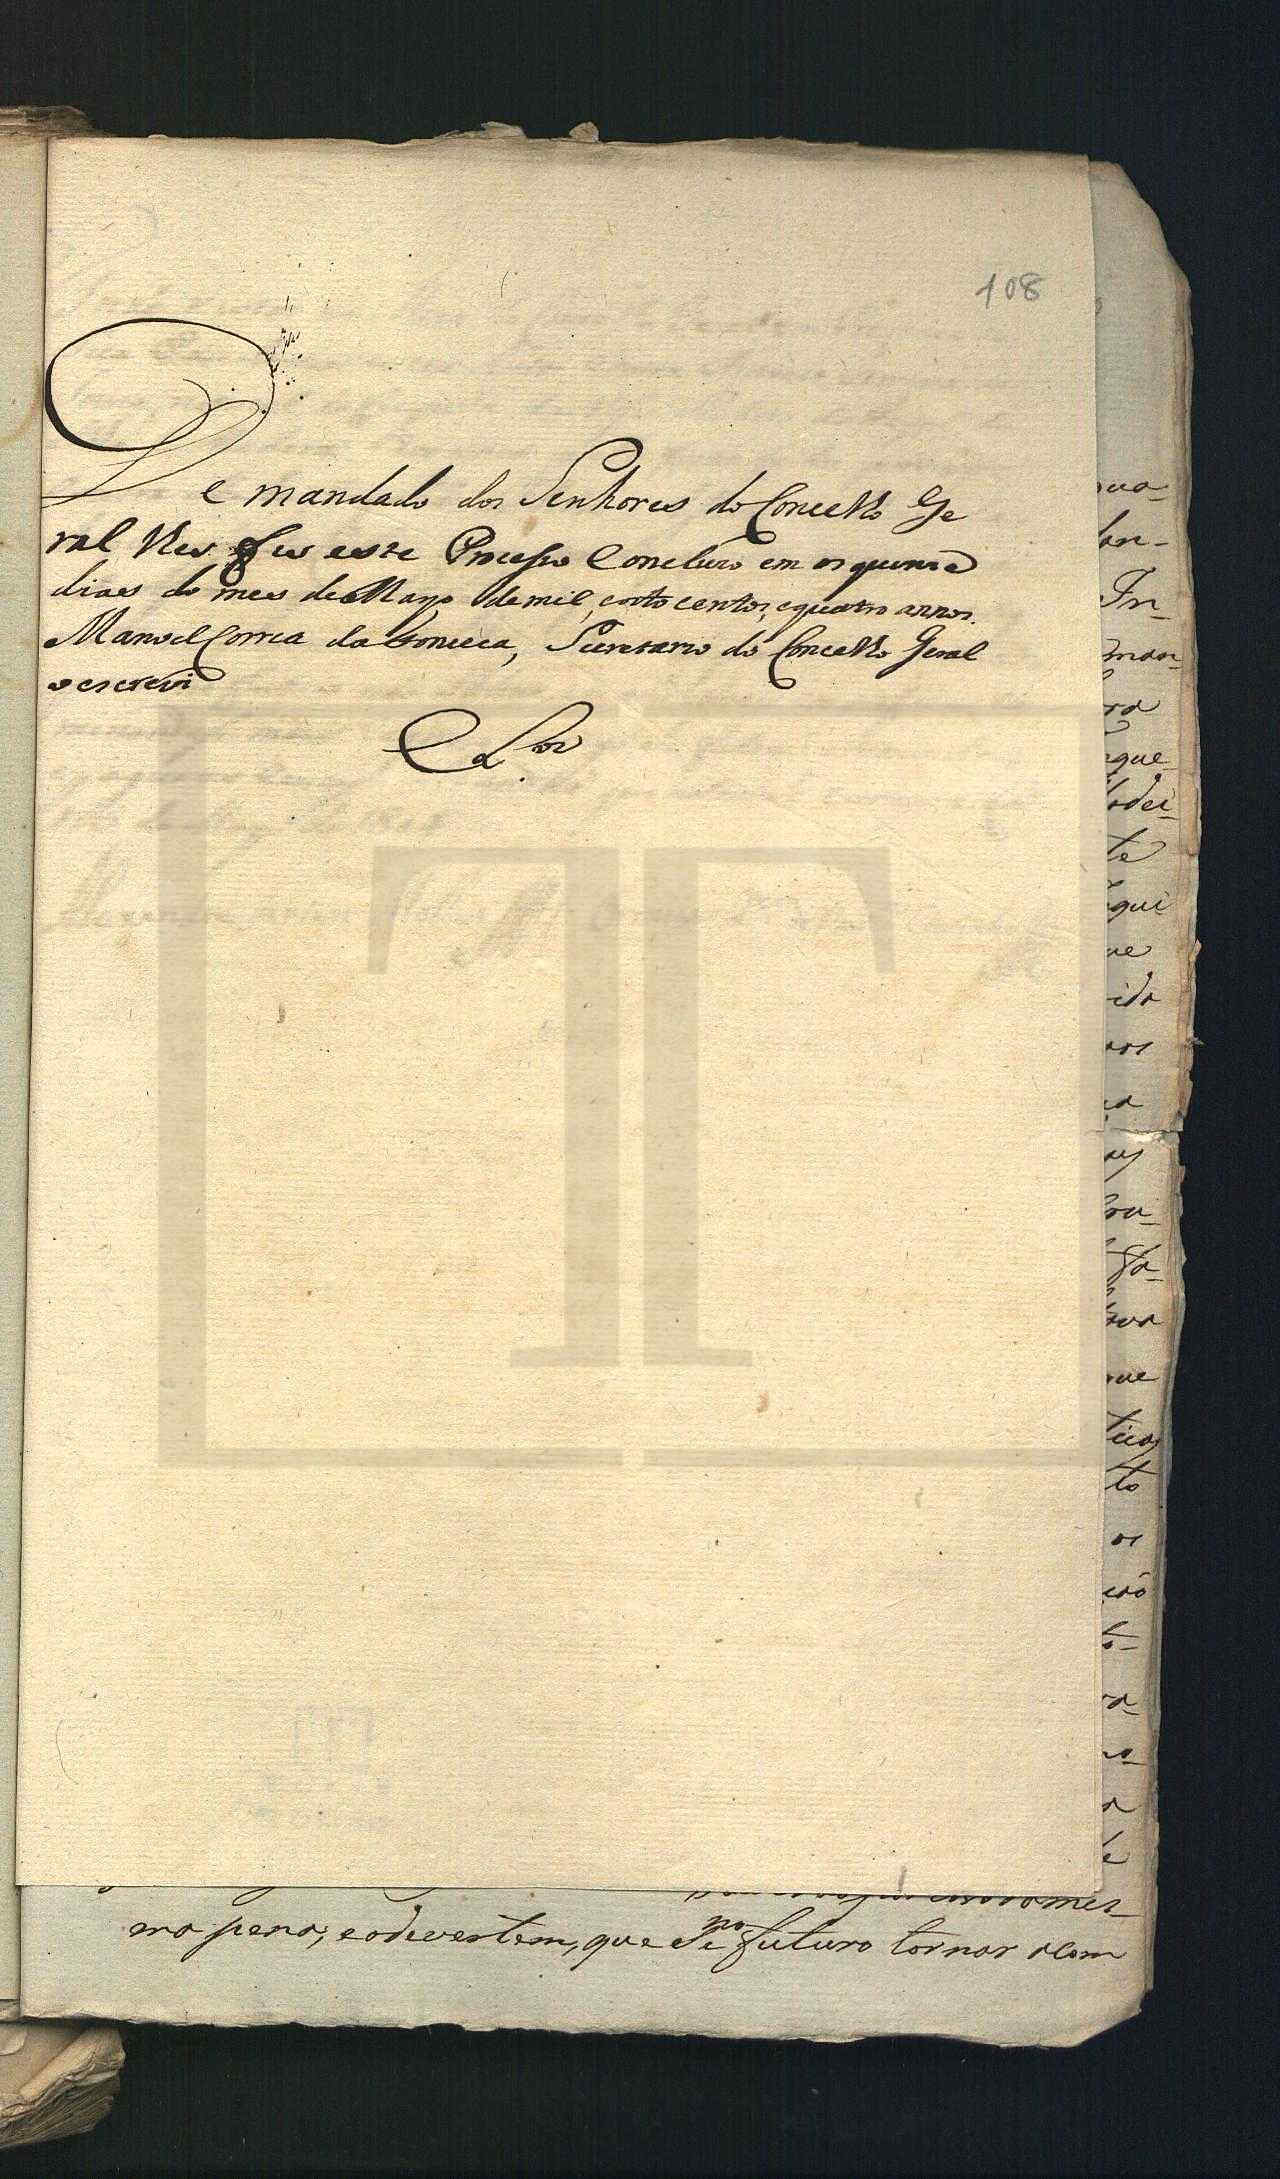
De mandado dos Senhores do Concelho Ge
ral lhes fis este Processo Concluzo em os quinze
dias do mes de Mayo de mil, e oitocentos, e quatro annos.
Manoel Correa da Fonceca, Secretario do Concelho Geral
o escrevi
CL.oz
